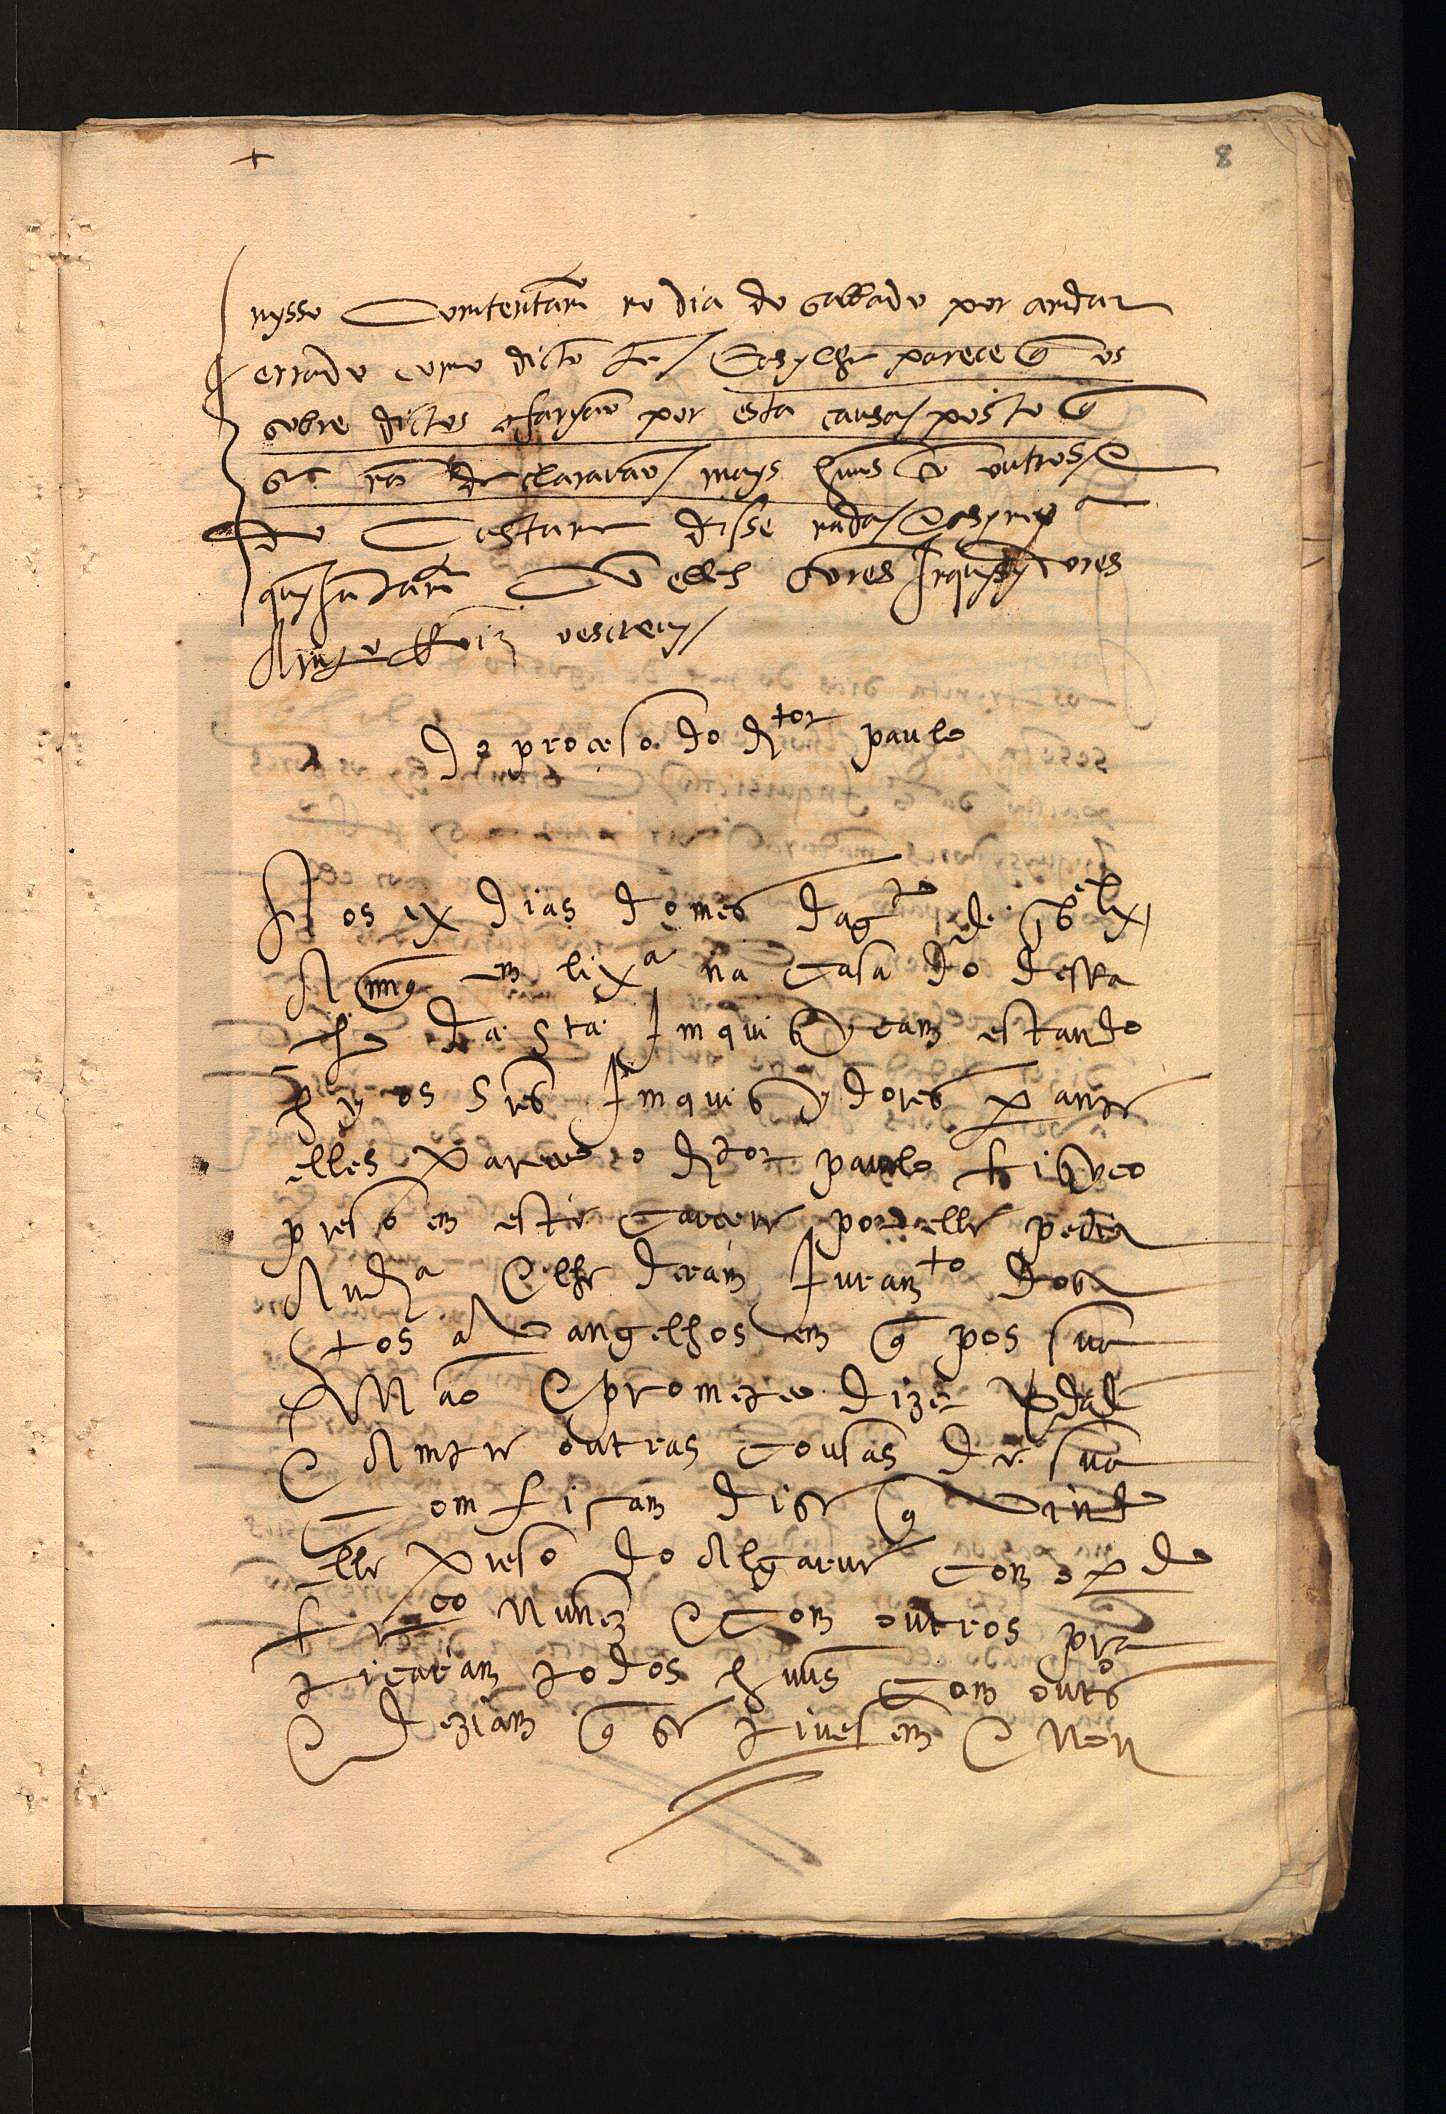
nysso Comtentamto no dia do sabbado por amdar
errado como dicto tē / E asy lhe parece q̄ os
sobredictos o faryão por esta causa / posto q̄
se não declararão mays hūus cō outros / e
do Custume disse nada / e asyney a
quy Jūtamte Cō elles sōres Jnquysydores
Amto Rōiz o escreuy /
do proceso do dtor paulo
Aos IX dias do mes dagto de jbclxj
An̄no em lixa na Casa do despa
cho da Sta. Jmquisycam estando
hy os Sr̄es Jmquisydores ꝑante
elles pareceo o dtor paulo fisyco
preso em este carcere por elle pedir
Auda e lhe deram Juramto dos
Stos avangelhos em q̄ pos sua
mão e prometeo dizer ꝟdade
e Amtre outras cousas de sua
Comfisam dise q̄ vindo
elle preso do Algarue com o Ldo
frco nun̄ez e com outros pra
ticaram todos huūs com outos
e deziam q̄ se tiuesem e non
